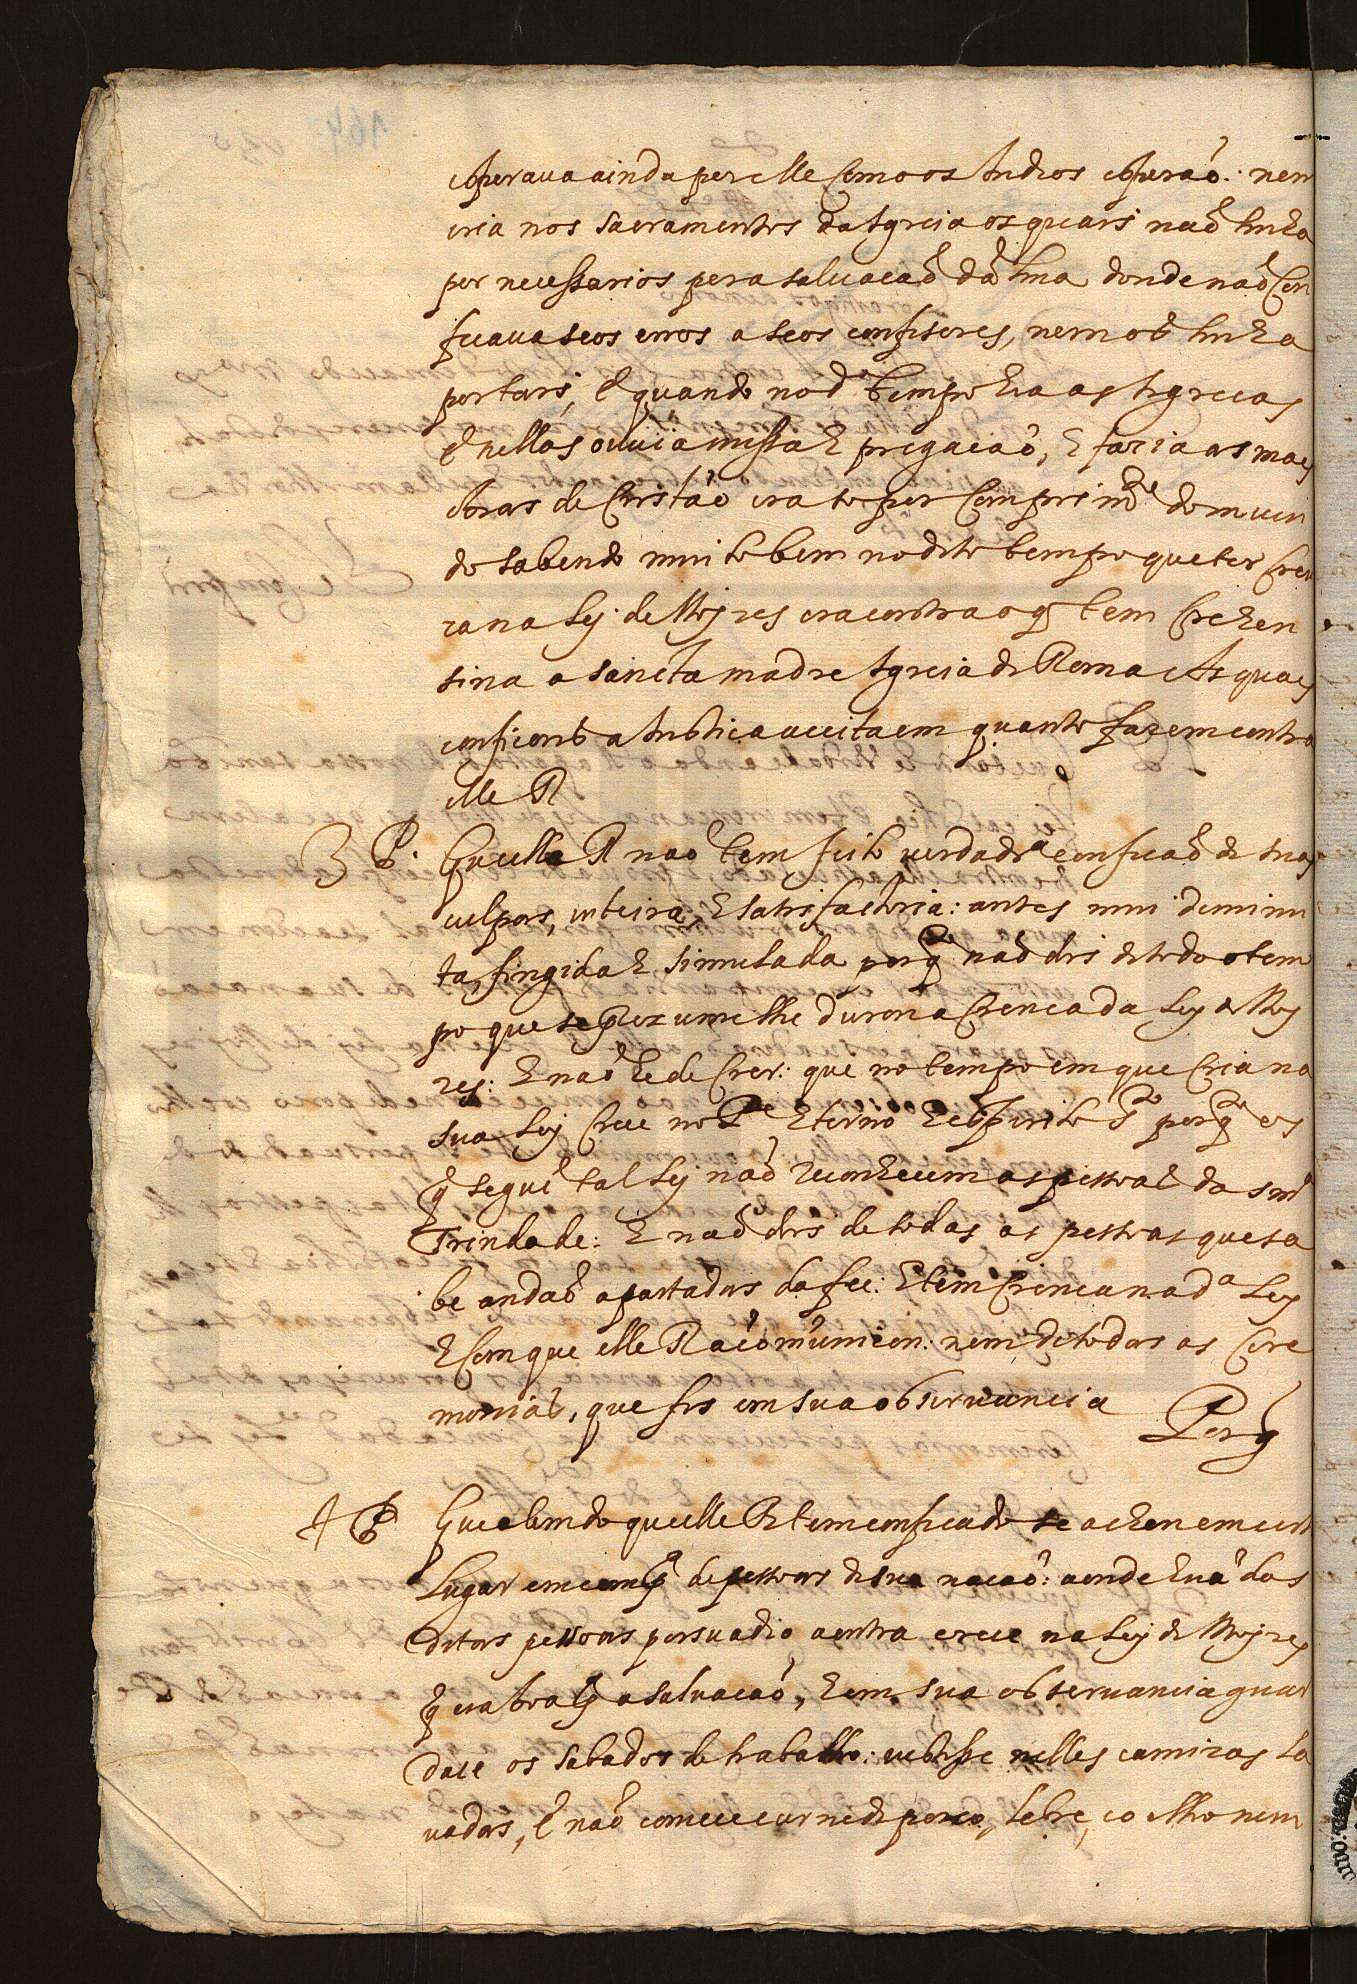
esperaua ainda per elle Como os Iudios esperaõ: nem
cria nos sacramentos da Igreia os quais naõ tinha
per necessarios pera saluaçaõ dalma donde naõ Con
fiçaua seos erros a seos confisores, nem os tinha
por tais, & quando no do tempo hia as Igreias
e nellas ouuia missa E pregaçaõ, E fazia as maes
obras de Cristão era so por Comprimto do mun
do sabendo muito bem no dito tempo que ter Cren
za na Lej de Mojzes era contra o q̄ tem Cre E en
sina a sancta madre Igreia de Roma As quais
confiçons̄ a Iustiça aceita emquanto fazem contra
elle R
3 P. Que elle R naõ tem feito uerdadra confisaõ de suas
culpas, inteira, E satisfactoria: antes mui deminu
ta, fingida E simulada porq̄to naõ dis de todo o tem
po que se prezume lhe durou a Crença da Ley a Moy
zes: E naõ he de Crer: que no tempo em que Cria na
sua Ley Cree no Pe Eterno E espirito Sto porqto os
q̄ seguē tal lej naõ reconhecem as pessoas da sma
Trindade: E naõ dis de todas as pessoas que sa
be andaõ apartadas da fee: E tem Crença na da Ley
E Com que elle R a c̄om̄unicou nem, de todas as Cere
monias, que fes em sua obseruancia Porq̄
4 P Que alem do que elle R tem confeçado se achou em cer
Lugar em compa de pessoas de sua naçaõ: aonde huā das
ditas pessoas persuadio a outra crece na Ley de Mojzes
q̄ era boa pa a saluaçaõ, E em sua obseruancia guar
dace os sabados de trabalho: uestisse nelles camizas La
uadas, e naõ comece carne de porco, lebre, coelho nem
